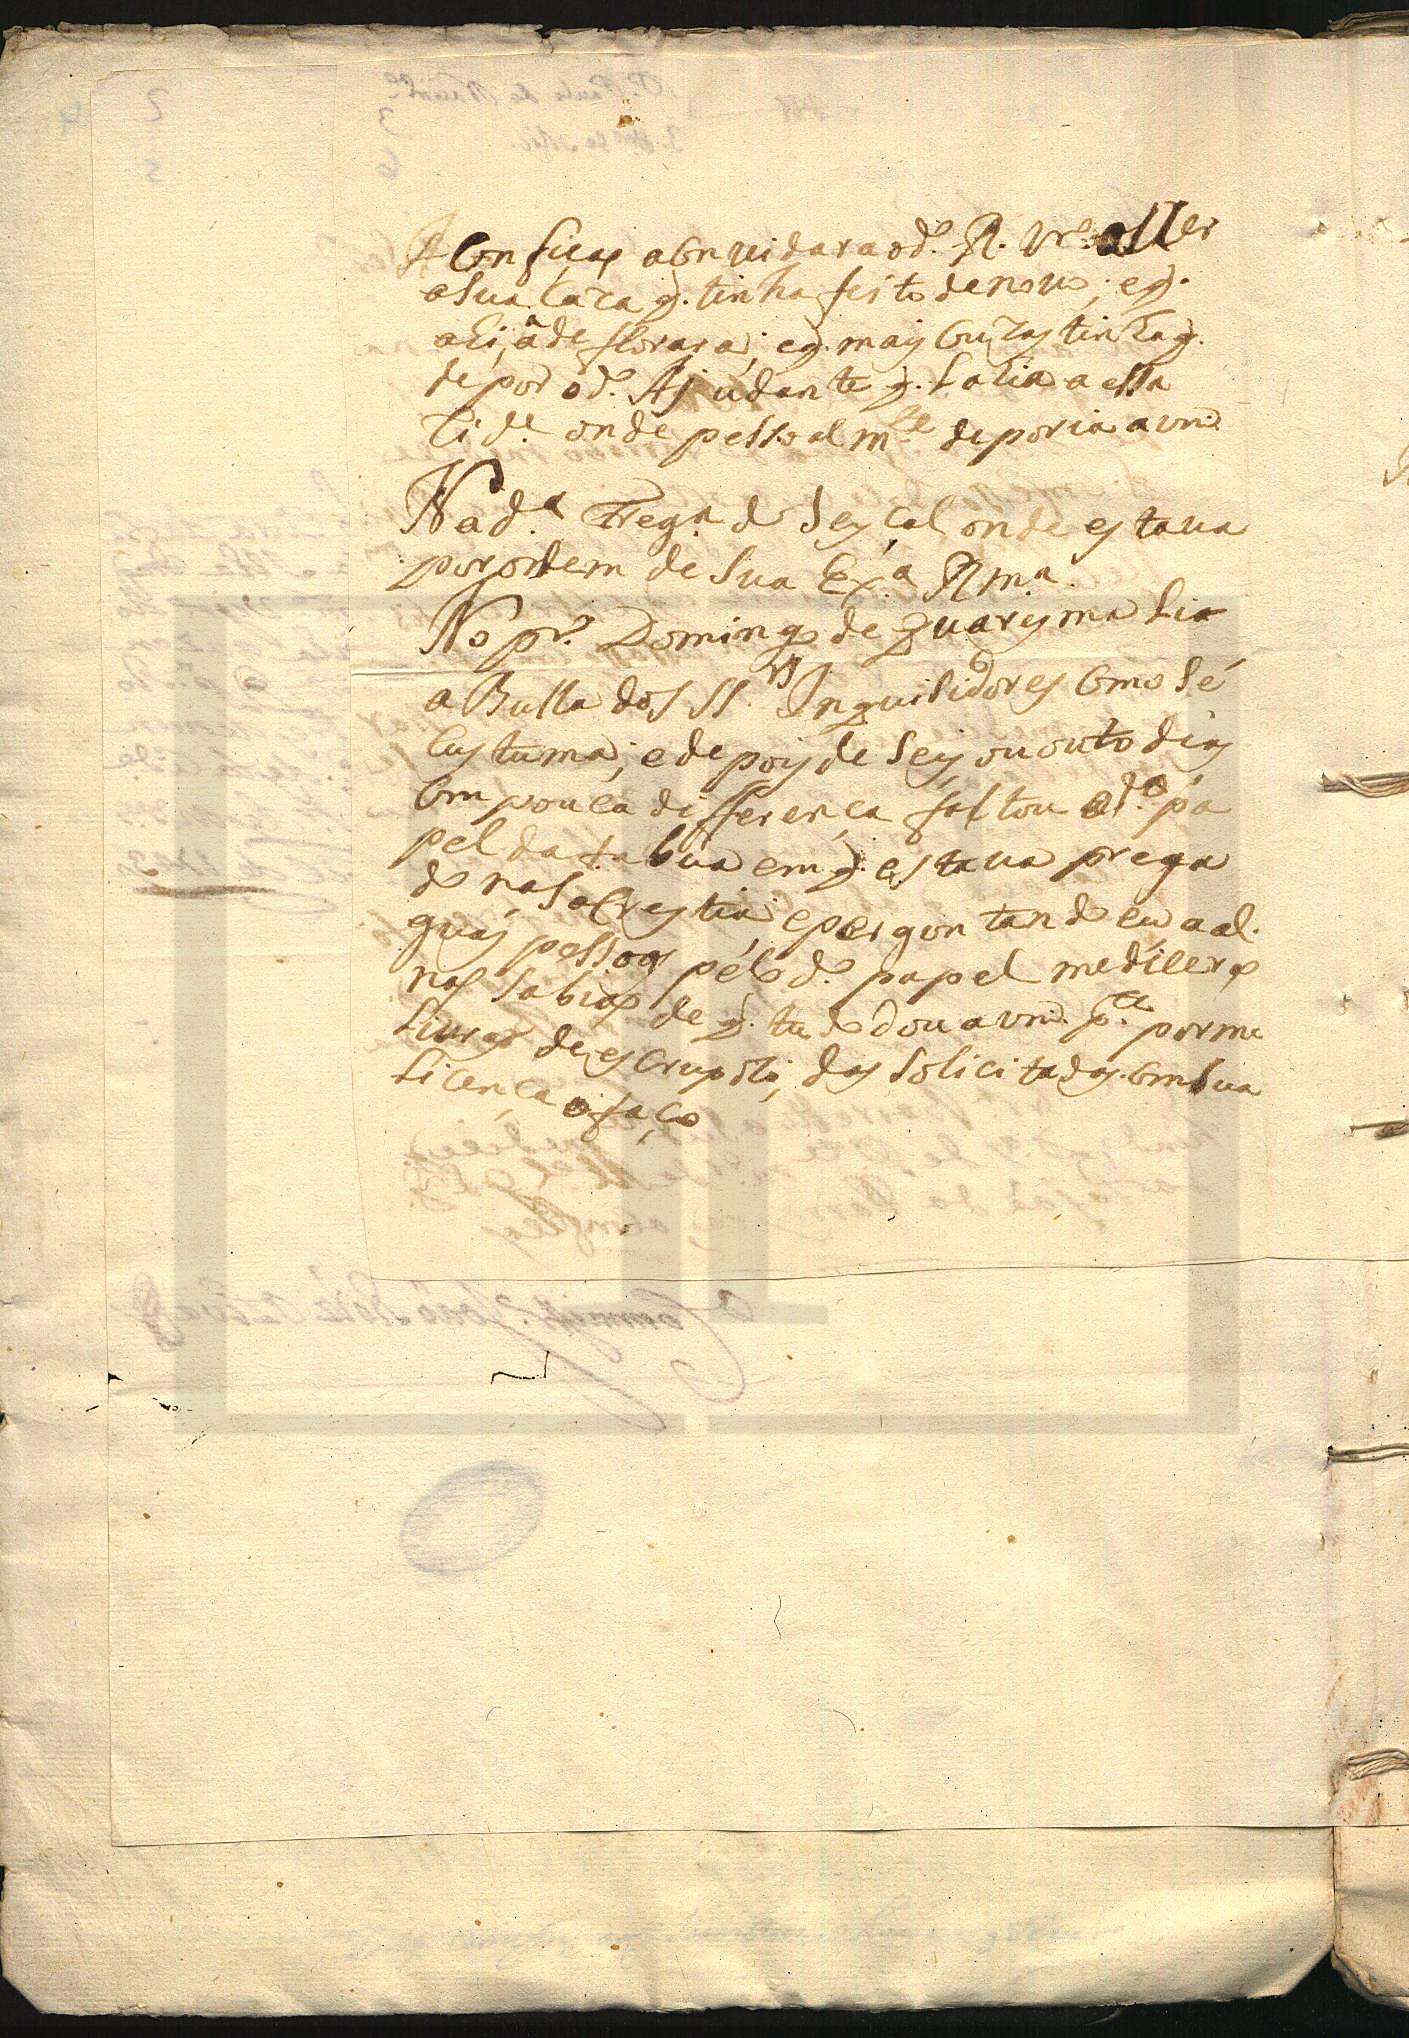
A Confiçaꝭ a conuidara o d.o R. vr.o a Uer
a sua caza q̄. tinha feito de novo; e q̄.
ahi, a deflorara; e q̄ mais couzas tinha q̄.
depor o d.o Ajudante q̄. la hia a essa
Cid.e onde pessoalm.te deporia a vm
Na d.a Freg.a do Seyçal onde estaua
por ordem de Sua Ex.a Rm.a
No p.ro Domingo de quaresma lia
a Bulla dos ss.rs Inquisidores Como se
custuma; e depois de seis, ou outo dias
com pouca differença faltou o d.o pa
pel da tabua em q̄. estaua prega
do na saCrestia, e perguntando eu a al
guās pessoas pelo d.o papel me diceraꝭ
naꝭ sabiaꝭ de q̄ tudo dou a vm p.te por me
liurar de escrupolo; das solicitadas com sua
licença o faço
